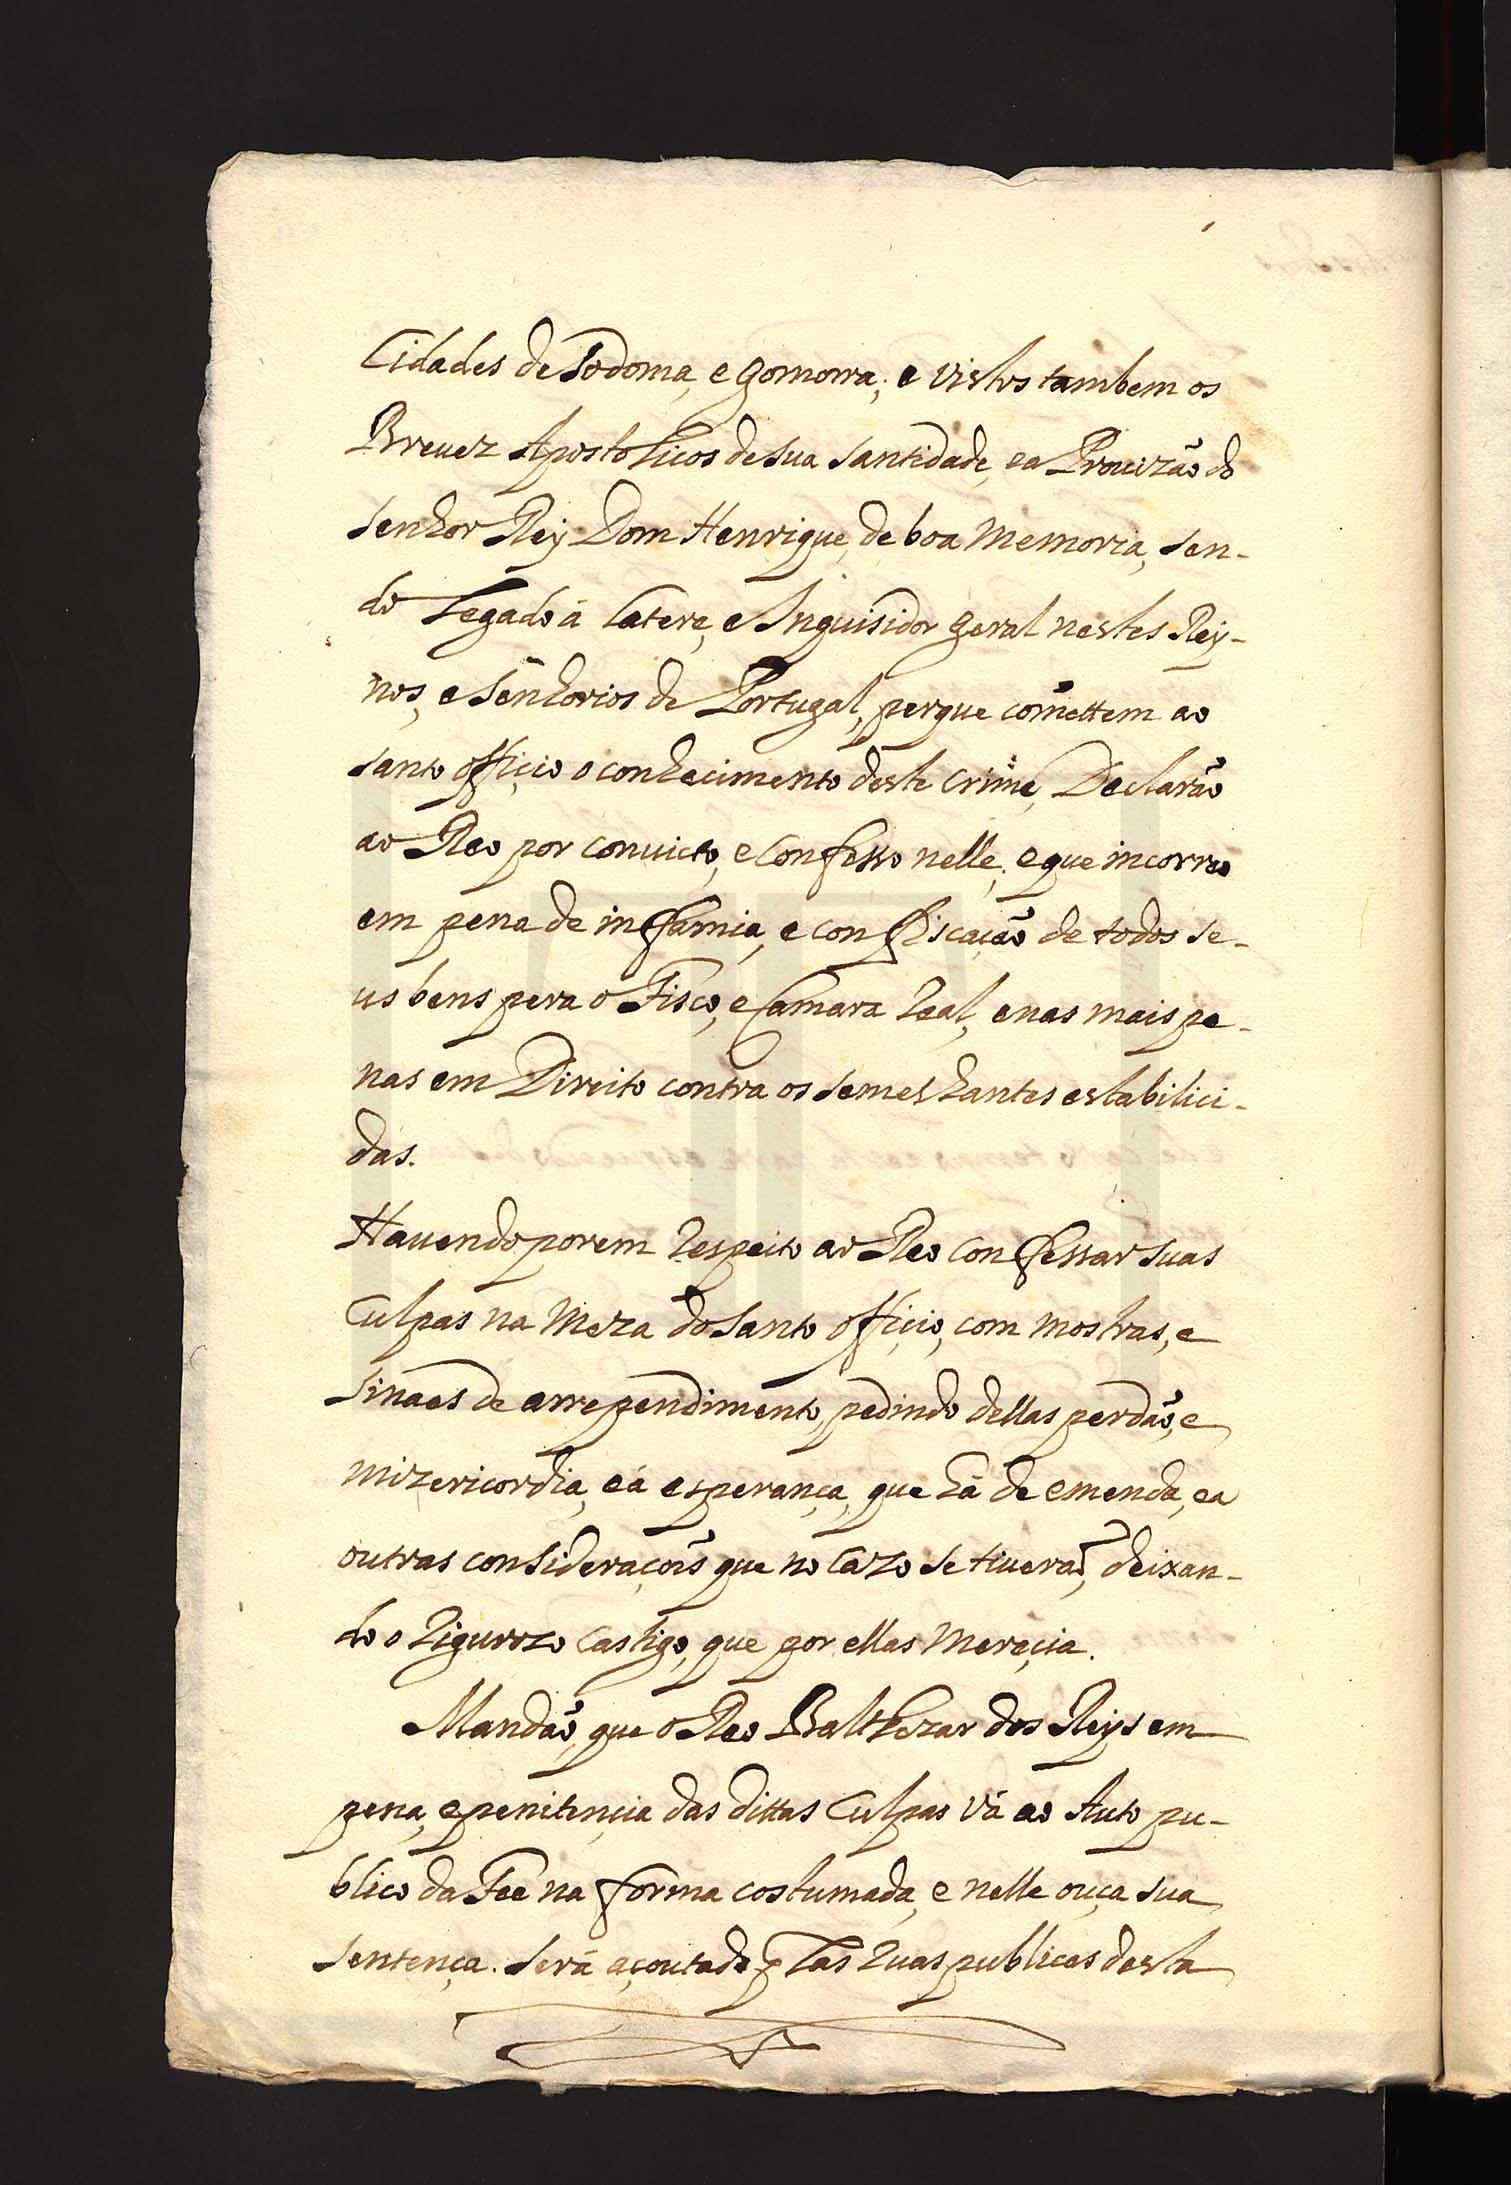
Cidades de Sodoma, e gomorra, e vistos tambem os
Breuez Apostolicos de sua santidade, e a Prouizão do
senhor Rey Dom Henrique, de boa Memoria, sen
do Legado á latere, e Inquisidor geral nestes Rey
nos, e Senhorios de Portugal, perque com̄ettem ao
santo officio o conhecimento deste crime, Declarão
ao Reo por conuicto, e confesso nelle, e que incorreo
em pena de infamia, e confiscaçaõ de todos se
us bens pera o Fisco, e Camara Real, e nas mais pe
nas em Direito contra os semelhantes estabilici
das.
Hauendo porem Respeito ao Reo confessar suas
Culpas na Meza do santo officio, com mostras, e
sinaes de arrependimento, pedindo dellas perdaõ, e
mizericordia, e á esperança, que há de emenda, e a
outras consideraçoẽs que no cazo se tiueraõ, deixan
do o Rigurozo castigo, que por ellas merecia.
Mandaõ, que o Reo Balthezar dos Reys em
pena, e penitencia das dittas Culpas vá ao Auto pu
blico da Fee na forma costumada, e nelle ouça sua
sentença. será açoutado p̄las ruas publicas desta
